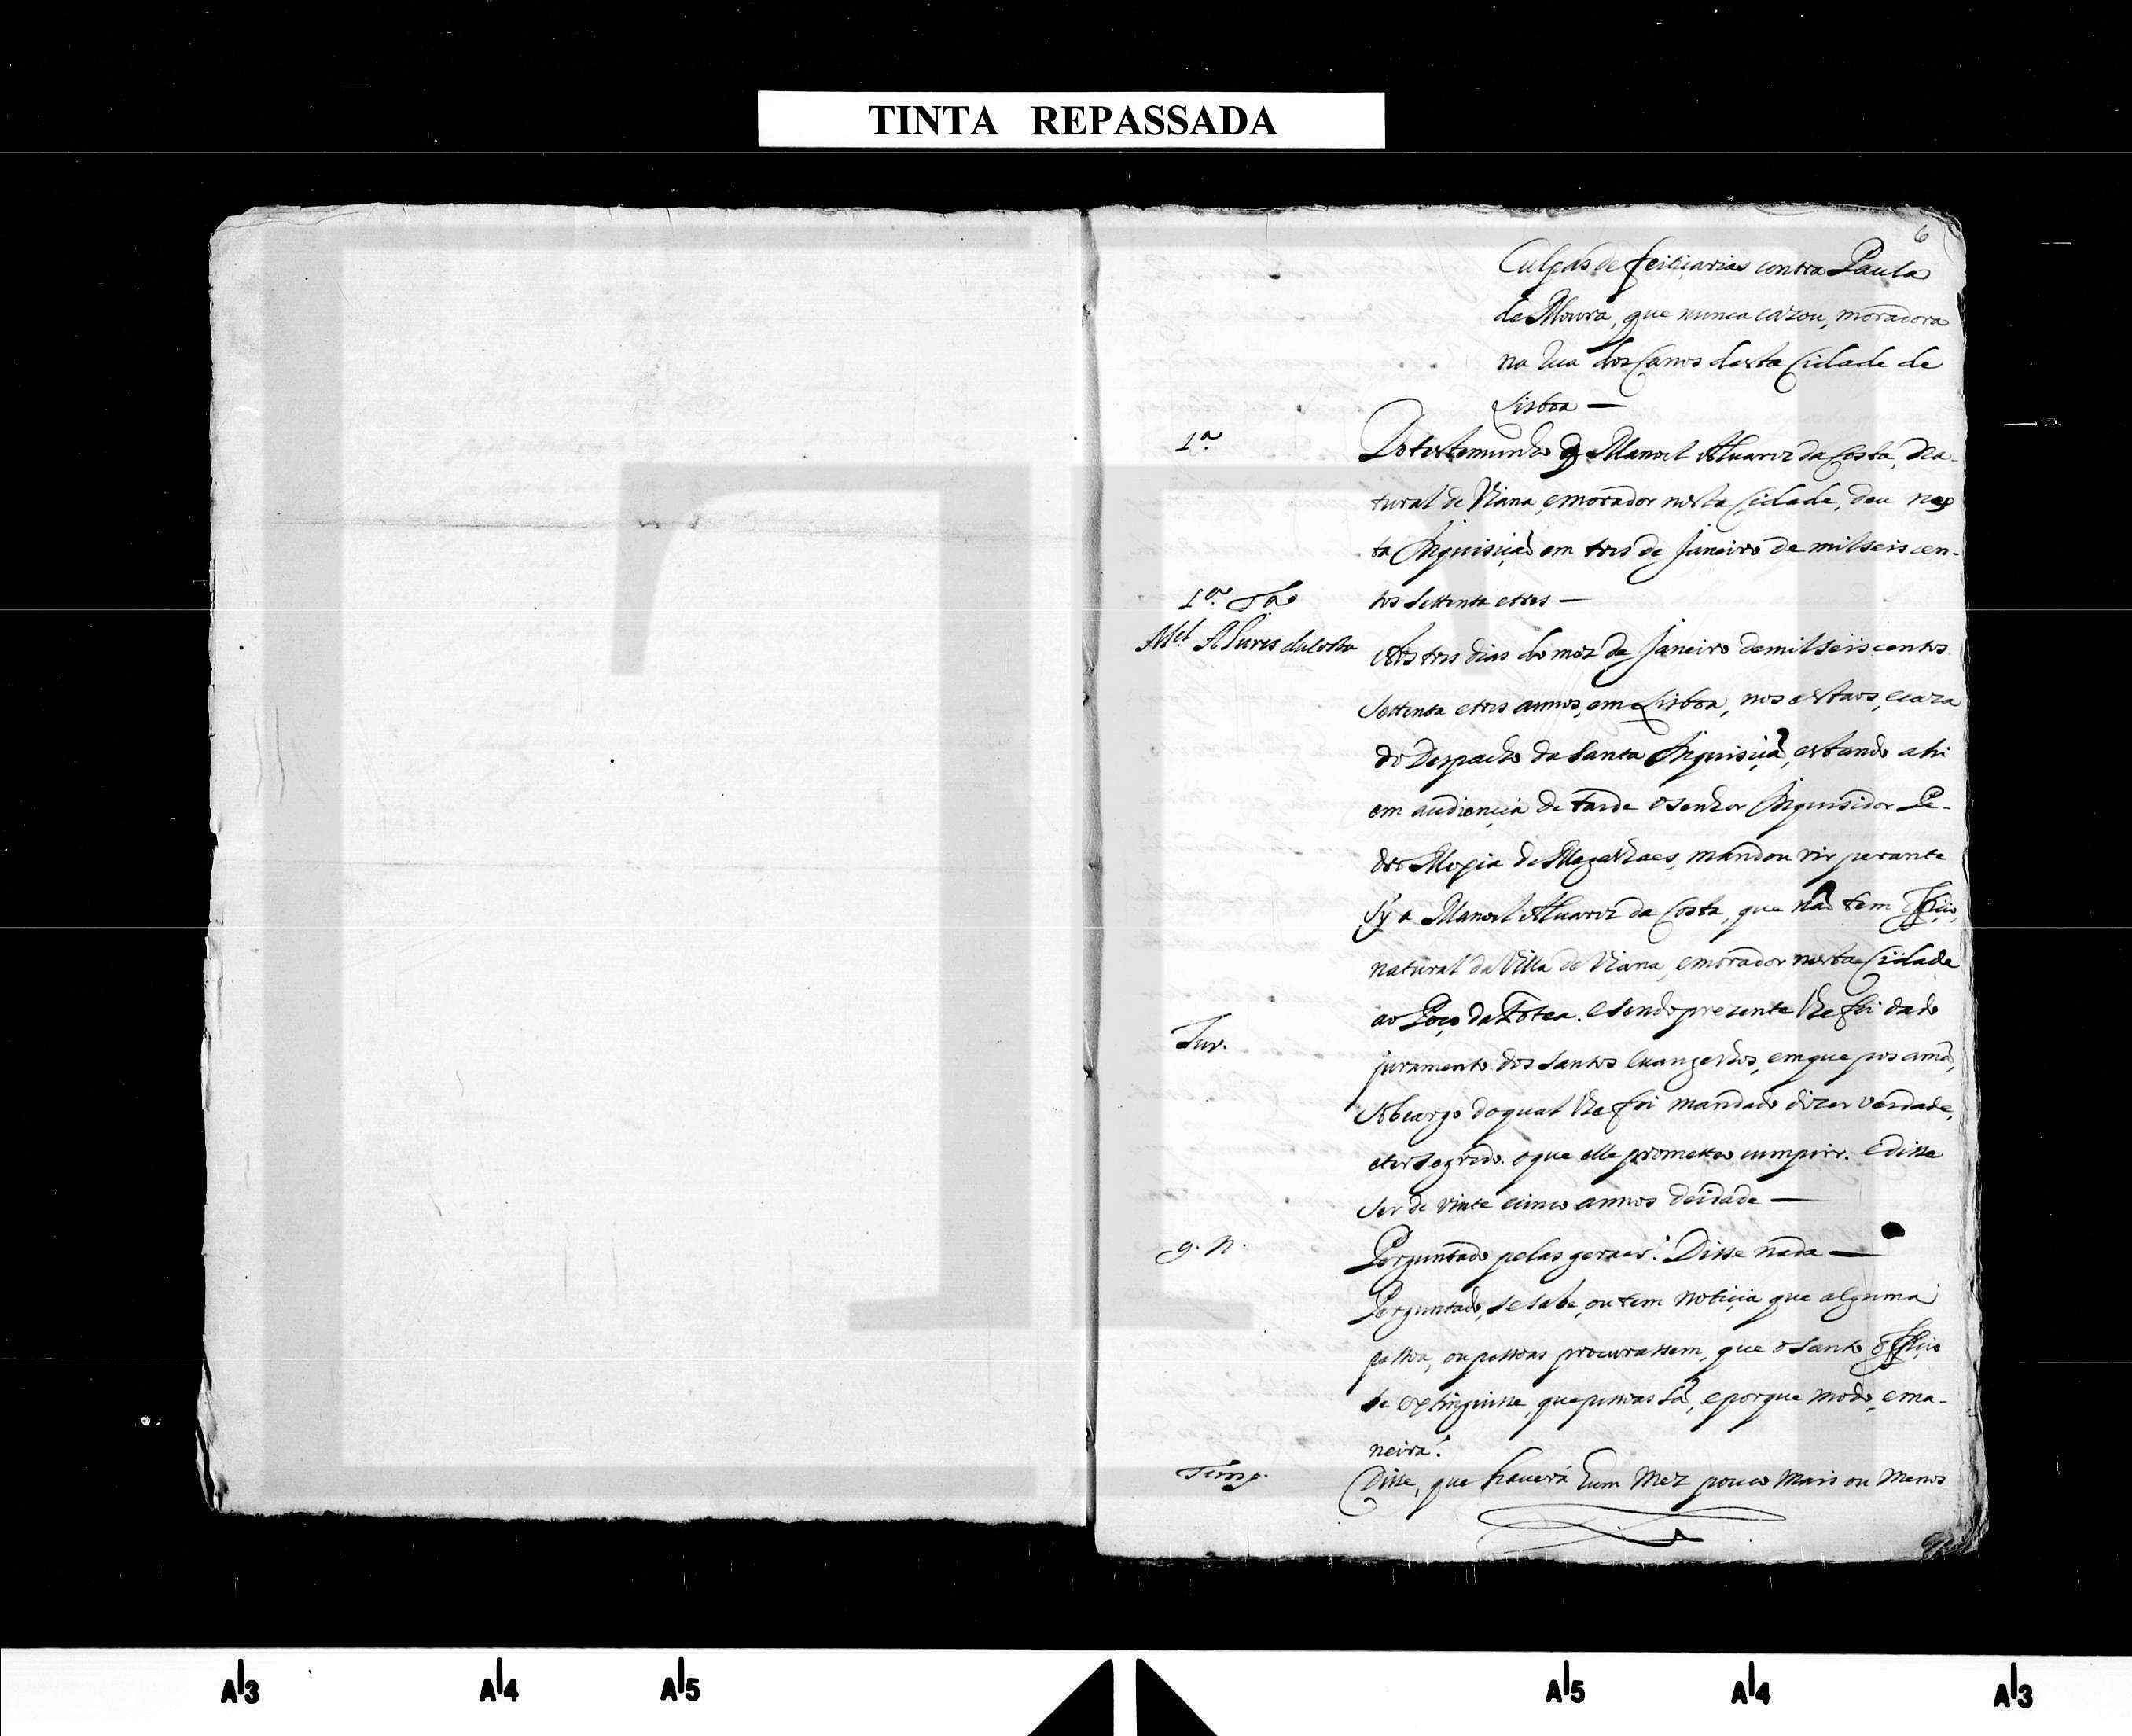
Culpas de feitiçarias contra Paula
de Moura, que nunca cazou, moradora
na Rua dos Canos desta Cidade de
Lisboa -
Do testemunho q̄ Manoel Aluarez da Costa, na
tural de Viana, e morador nesta Cidade, deu nes
ta Inquisiçaõ em tres de Janeiro de mil seiscen
1.a Ta
tos settenta e tres
M.el Alures da Costa
Aos tres dias do mez de Janeiro de mil seiscentos
settenta e tres annos, em Lisboa, nos estaos, e caza
do Despacho da Santa Inquisiçaõ, estando ahi
em audiencia de tarde o senhor Inquisidor Pe
dro Mexia de Magalhaes, mandou vir perante
sy a Manoel Aluarez da Costa, que não tem officio
natural da Villa de Viana, e morador nesta Cidade
ao Poço da Fotea. e sendo prezente lhe foi dado
Iur.
juramento dos santos euangelhos, em que pos a mão,
Sob cargo do qual lhe foi mandado dizer verdade
e ter segredo. o que elle prometteo cumprir. e disse
Ser de vinte e cinco annos de idade -
g. n.
Perguntado pelas geraes: Disse nada -
Perguntado, se sabe, ou tem noticia que alguma
pessoa, ou pessoas procurassem, que o santo officio
se extinguisse, que pessoas saõ, e porque modo, e ma
neira?
Temp.
Disse, que hauerá hum mez pouco mais ou menos
